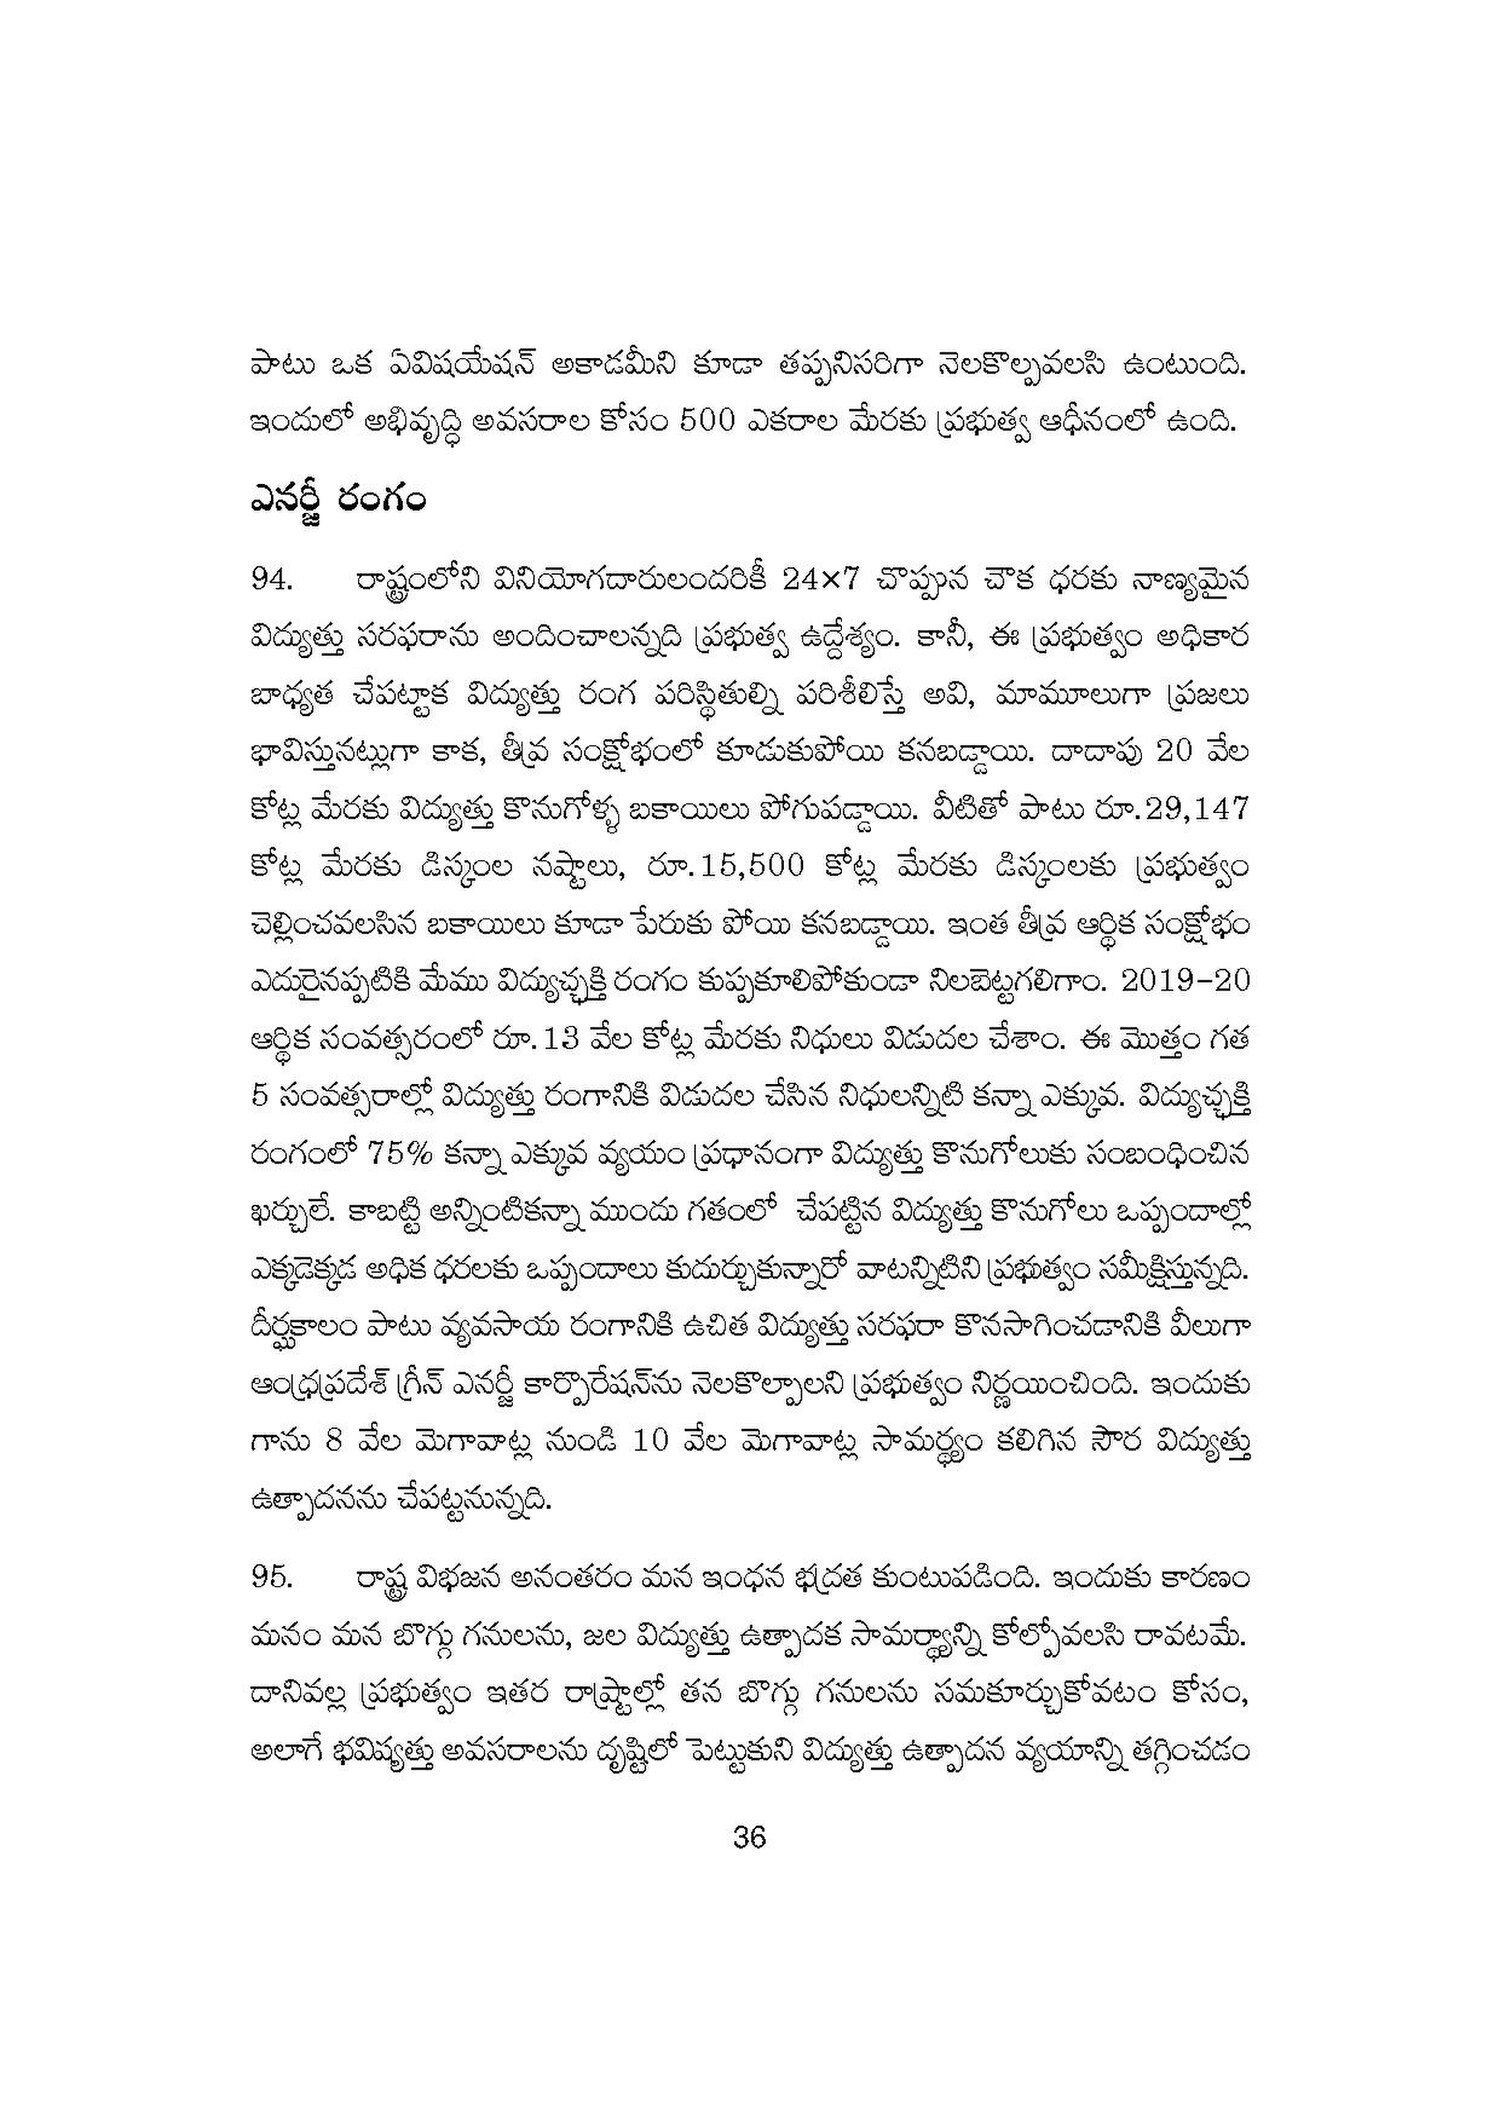పాటు ఒక ఏవిషయేషన్ అకాడమీని కూడా తప్పనిసరిగా నెలకొల్పవలసి ఉంటుంది. ఇందులో అభివృద్ధి అవసరాల కోసం 500 ఎకరాల మేరకు ప్రభుత్వ ఆధీనంలో ఉంది. 

ఎనర్జీ రంగం 

94. రాష్ట్రంలోని వినియోగదారులందరికీ 24X7 చొప్పున చౌక ధరకు నాణ్యమైన విద్యుత్తు సరఫరాను అందించాలన్నది ప్రభుత్వ ఉద్దేశ్యం. కానీ, ఈ ప్రభుత్వం అధికార బాధ్యత చేపట్టాక విద్యుత్తు రంగ పరిస్థితుల్ని పరిశీలిస్తే అవి, మామూలుగా ప్రజలు భావిస్తునట్లుగా కాక, తీవ్ర సంక్షోభంలో కూడుకుపోయి కనబడ్డాయి. దాదాపు 20 వేల కోట్ల మేరకు విద్యుత్తు కొనుగోళ్ళ బకాయిలు పోగుపడ్డాయి. వీటితో పాటు రూ.29,147 కోట్ల మేరకు డిస్కంల నష్టాలు, రూ.15,500 కోట్ల మేరకు డిస్కంలకు ప్రభుత్వం చెల్లించవలసిన బకాయిలు కూడా పేరుకు పోయి కనబడ్డాయి. ఇంత తీవ్ర ఆర్థిక సంక్షోభం ఎదురైనప్పటికి మేము విద్యుచ్ఛక్తి రంగం కుప్పకూలిపోకుండా నిలబెట్టగలిగాం. 2019-20 ఆర్థిక సంవత్సరంలో రూ. 13 వేల కోట్ల మేరకు నిధులు విడుదల చేశాం. ఈ మొత్తం గత 5 సంవత్సరాల్లో విద్యుత్తు రంగానికి విడుదల చేసిన నిధులన్నిటి కన్నా ఎక్కువ. విద్యుచ్ఛక్తి రంగంలో 75% కన్నా ఎక్కువ వ్యయం ప్రధానంగా విద్యుత్తు కొనుగోలుకు సంబంధించిన ఖర్చులే. కాబట్టి అన్నింటికన్నా ముందు గతంలో చేపట్టిన విద్యుత్తు కొనుగోలు ఒప్పందాల్లో ఎక్కడెక్కడ అధిక ధరలకు ఒప్పందాలు కుదుర్చుకున్నారో వాటన్నిటిని ప్రభుత్వం సమీక్షిస్తున్నది. దీర్ఘకాలం పాటు వ్యవసాయ రంగానికి ఉచిత విద్యుత్తు సరఫరా కొనసాగించడానికి వీలుగా ఆంధ్రప్రదేశ్ గ్రీన్ ఎనర్జీ కార్పొరేషన్‌ను నెలకొల్పాలని ప్రభుత్వం నిర్ణయించింది. ఇందుకు గాను 8 వేల మెగావాట్ల నుండి 10 వేల మెగావాట్ల సామర్థ్యం కలిగిన సౌర విద్యుత్తు ఉత్పాదనను చేపట్టనున్నది. 

95. రాష్ట్ర విభజన అనంతరం మన ఇంధన భద్రత కుంటుపడింది. ఇందుకు కారణం మనం మన బొగ్గు గనులను, జల విద్యుత్తు ఉత్పాదక సామర్థ్యాన్ని కోల్పోవలసి రావటమే. దానివల్ల ప్రభుత్వం ఇతర రాష్ట్రాల్లో తన బొగ్గు గనులను సమకూర్చుకోవటం కోసం, అలాగే భవిష్యత్తు అవసరాలను దృష్టిలో పెట్టుకుని విద్యుత్తు ఉత్పాదన వ్యయాన్ని తగ్గించడం